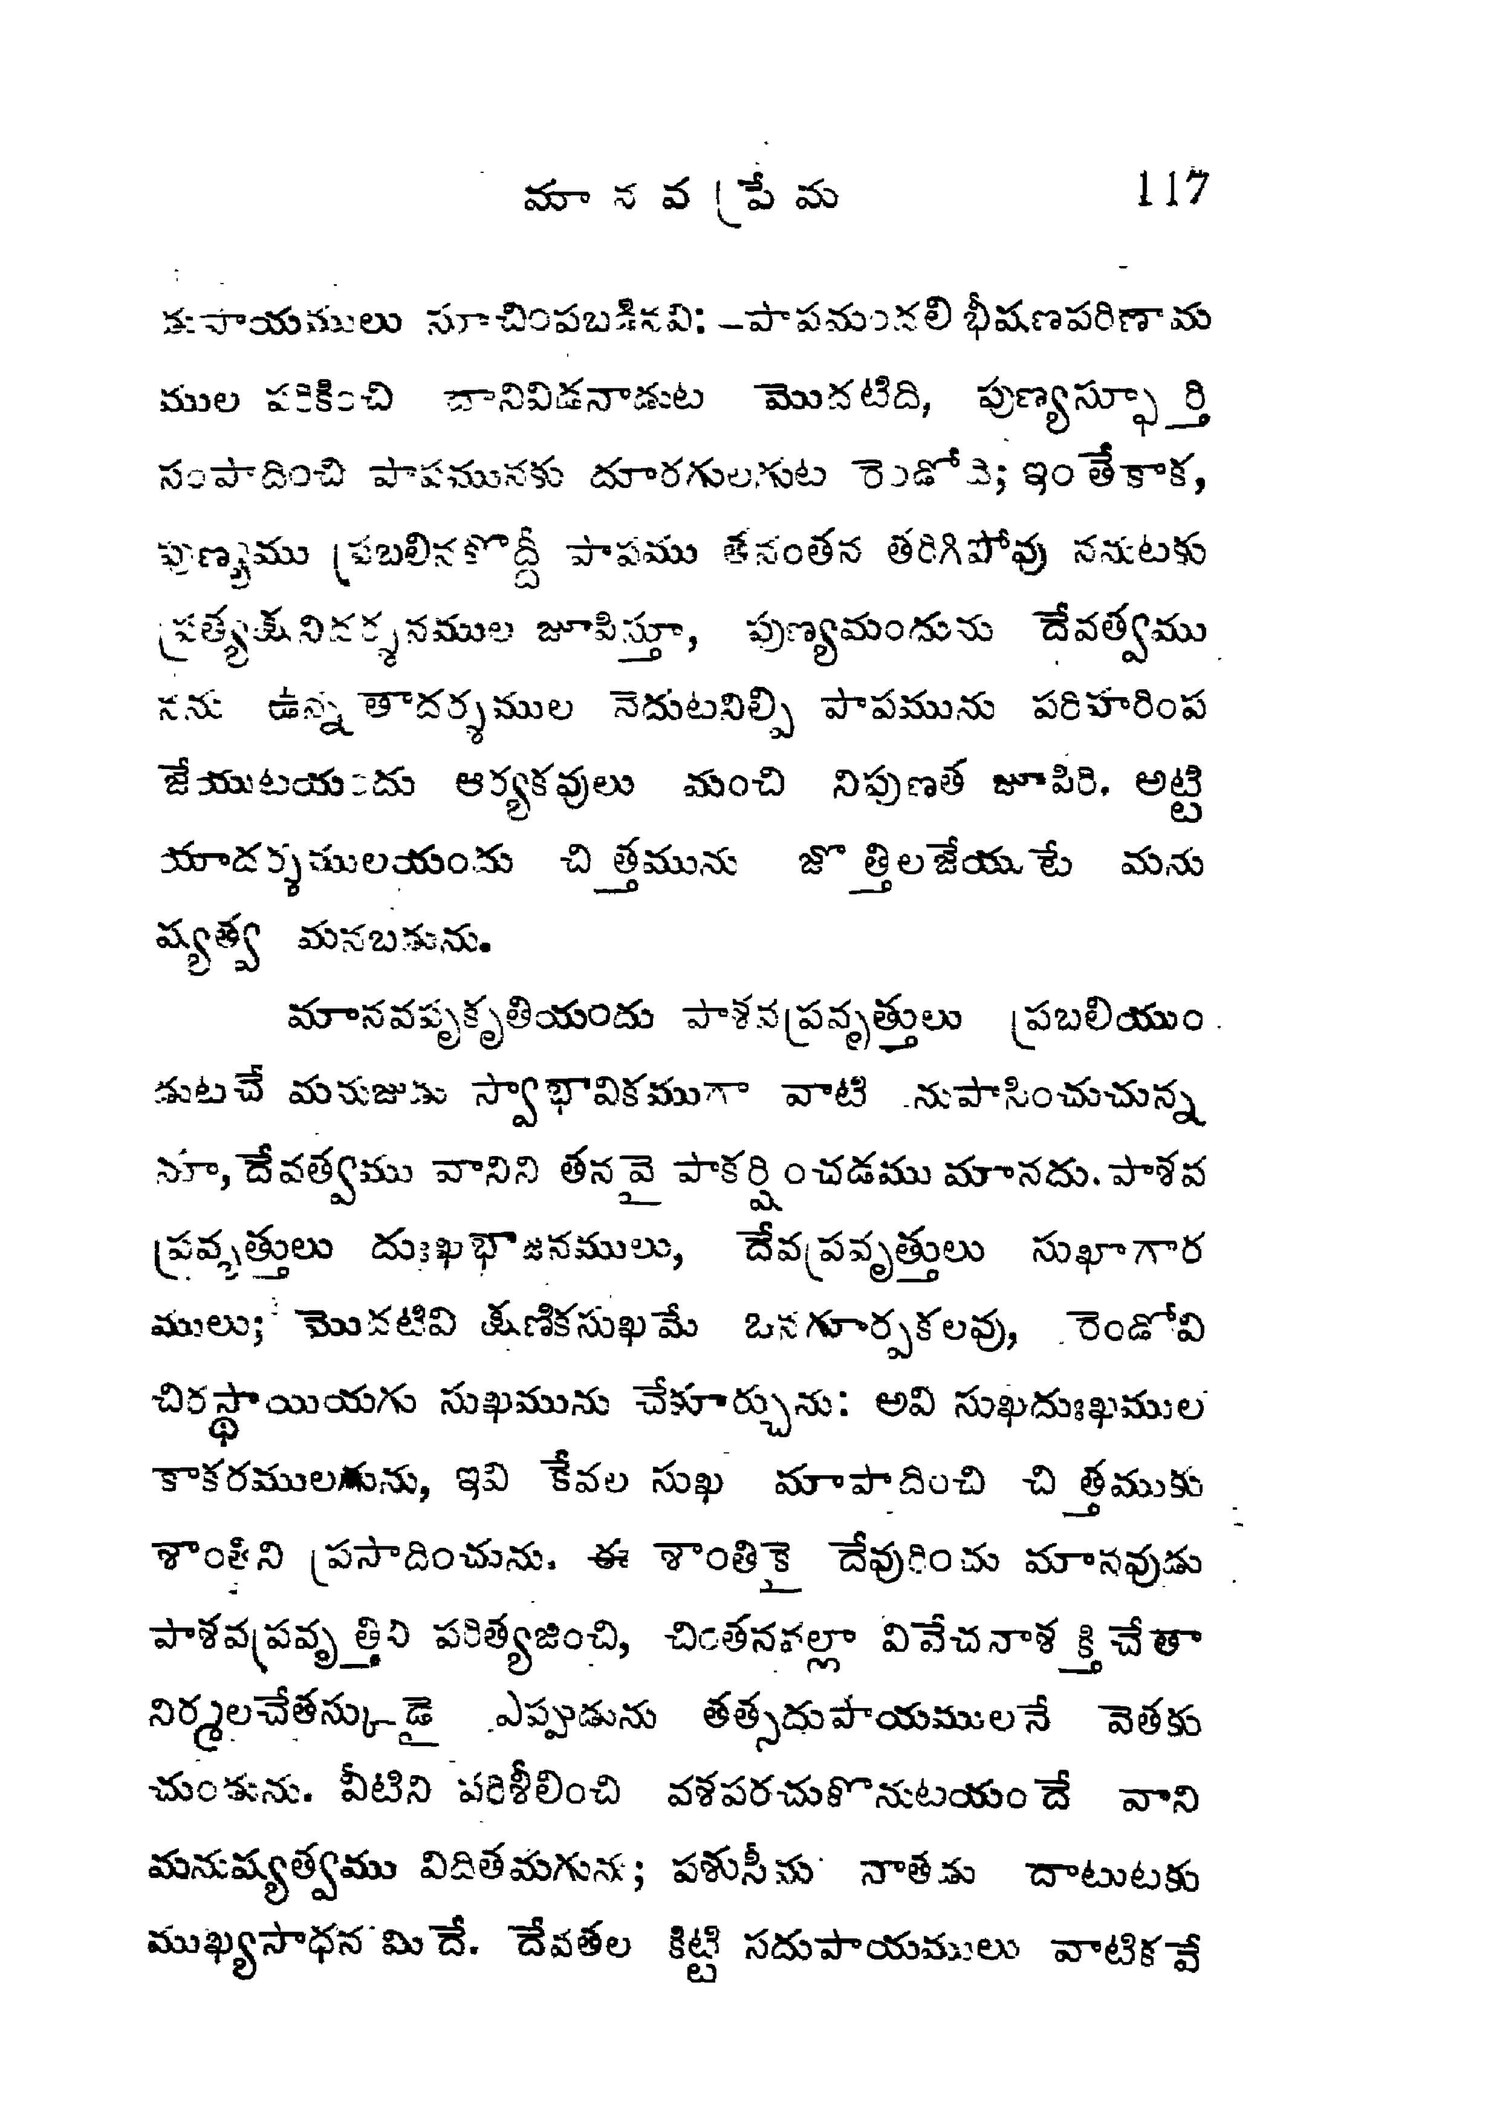డుపాయములు సూచింపబడినవి : _ పాపమందలి భీషణపరిణామముల పరికించి దానివిడనాడుట మొదటిది, పుణ్యస్ఫూర్తి సంపాదించి పాపమునకు దూరగులగుట రెండోది; ఇంతేకాక, పుణ్యము ప్రబలినకొద్దీ పాపము తనంతన తరిగిపోవు ననుటకు ప్రత్యక్షనిదర్శనముల జూపిస్తూ, పుణ్యమందును దేవత్వమునను ఉన్నతాదర్శముల నెదుటనిల్పి పాపమును పరిహరింప జేయుటయందు ఆర్యకవులు మంచి నిపుణత జూపిరి. అట్టి యాదర్శములయందు చిత్తమును జొత్తిలజేయుటే మనుష్యత్వ మనబడును.

మానవప్రకృతియందు పాశవప్రవృత్తులు ప్రబలియుండుటచే మనుజుడు స్వాభావికముగా వాటి నుపాసించుచున్ననూ, దేవత్వము వానిని తనవై పాకర్షించడము మానదు. పాశవ ప్రవృత్తులు దు:ఖభాజనములు, దేవప్రవృత్తులు సుఖాగారములు; మొదటివి క్షణికసుఖమే ఒనగూర్పకలవు, రెండోవి చిరస్థాయియగు సుఖమును చేకూర్చును: అవి సుఖదు:ఖముల కాకరములకును, ఇవి కేవల సుఖ మాపాదించి చిత్తముకు శాంతిని ప్రసాదించును. ఈ శాంతికై దేవురించు మానవుడు పాశవప్రవృత్తిని పరిత్యజించి, చింతనవల్లా వివేచనాశక్తిచేతా నిర్మలచేతస్కుడై ఎప్పుడును తత్సదుపాయములనే వెతకుచుండును. వీటిని పరిశీలించి వశపరచుకొనుటయందే వాని మనుష్యత్వము విదితమగును; పశుసీమ నాతడు దాటుటకు ముఖ్యసాధన మిదే. దేవతల కిట్టి సదుపాయములు వాటికవే